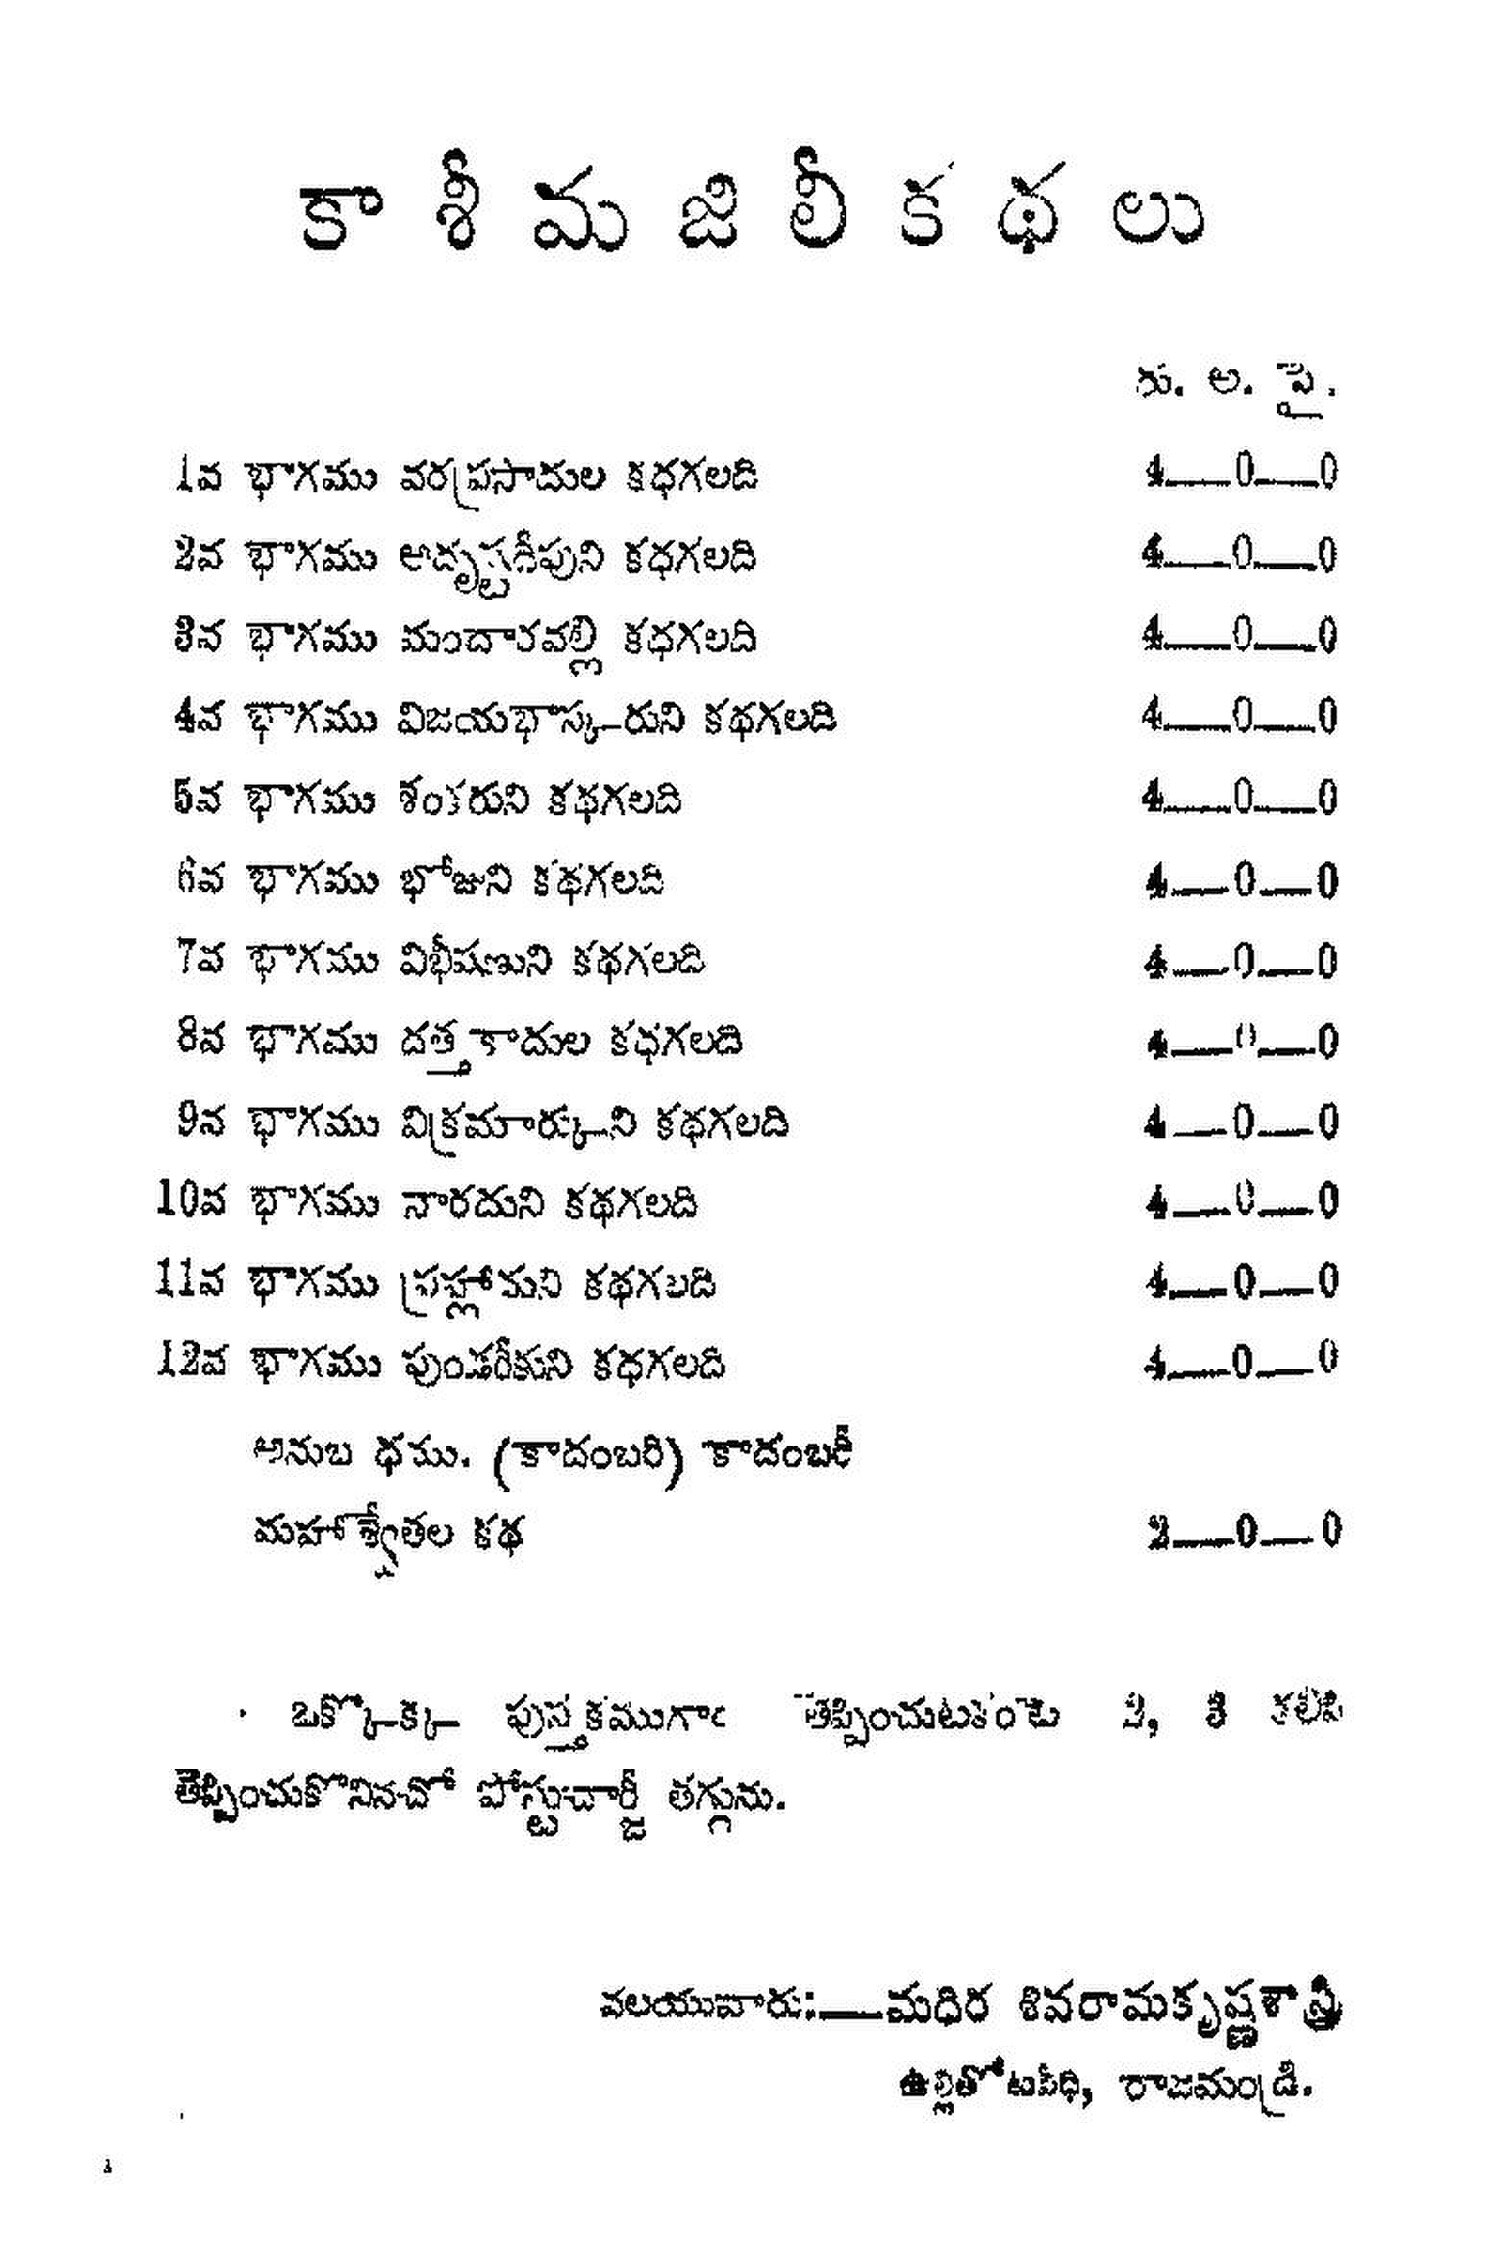కాశీ మజిలీ కథలు

1వ భాగము వరప్రసాదుల కథ గలది

2వ భాగము అదృష్టదీపుని కథ గలది

3వ భాగము మందారవల్లి కథ గలది

4వ భాగము విజయభాస్కరుని కథ గలది

5వ భాగము శంకరుని కథ గలది

6వ భాగము భోజుని కథ గలది

7వ భాగము విభీషణుని కథ గలది

8వ భాగము దత్తకాదుల కథ గలది

9వ భాగము విక్రమార్కుని కథ గలది

10వ భాగము నారదుని కథ గలది

11వ భాగము ప్రహ్లాదుని కథ గలది

12వ భాగము పుండరీకుని కథ గలది

అనుబంధము. (కాదంబరి) కాదంబరీ మహాశ్వేతల కథ

ఒక్కొక్క పుస్తకముగా తెప్పించుట కంటె 2, 3 కలిపి తెప్పించుకొనినచో పోస్టుచార్జీ తగ్గును.

వలయువారు: మధిర శివరామకృష్ణశాస్త్రి

ఉల్లితోటవీధి, రాజమండ్రి.